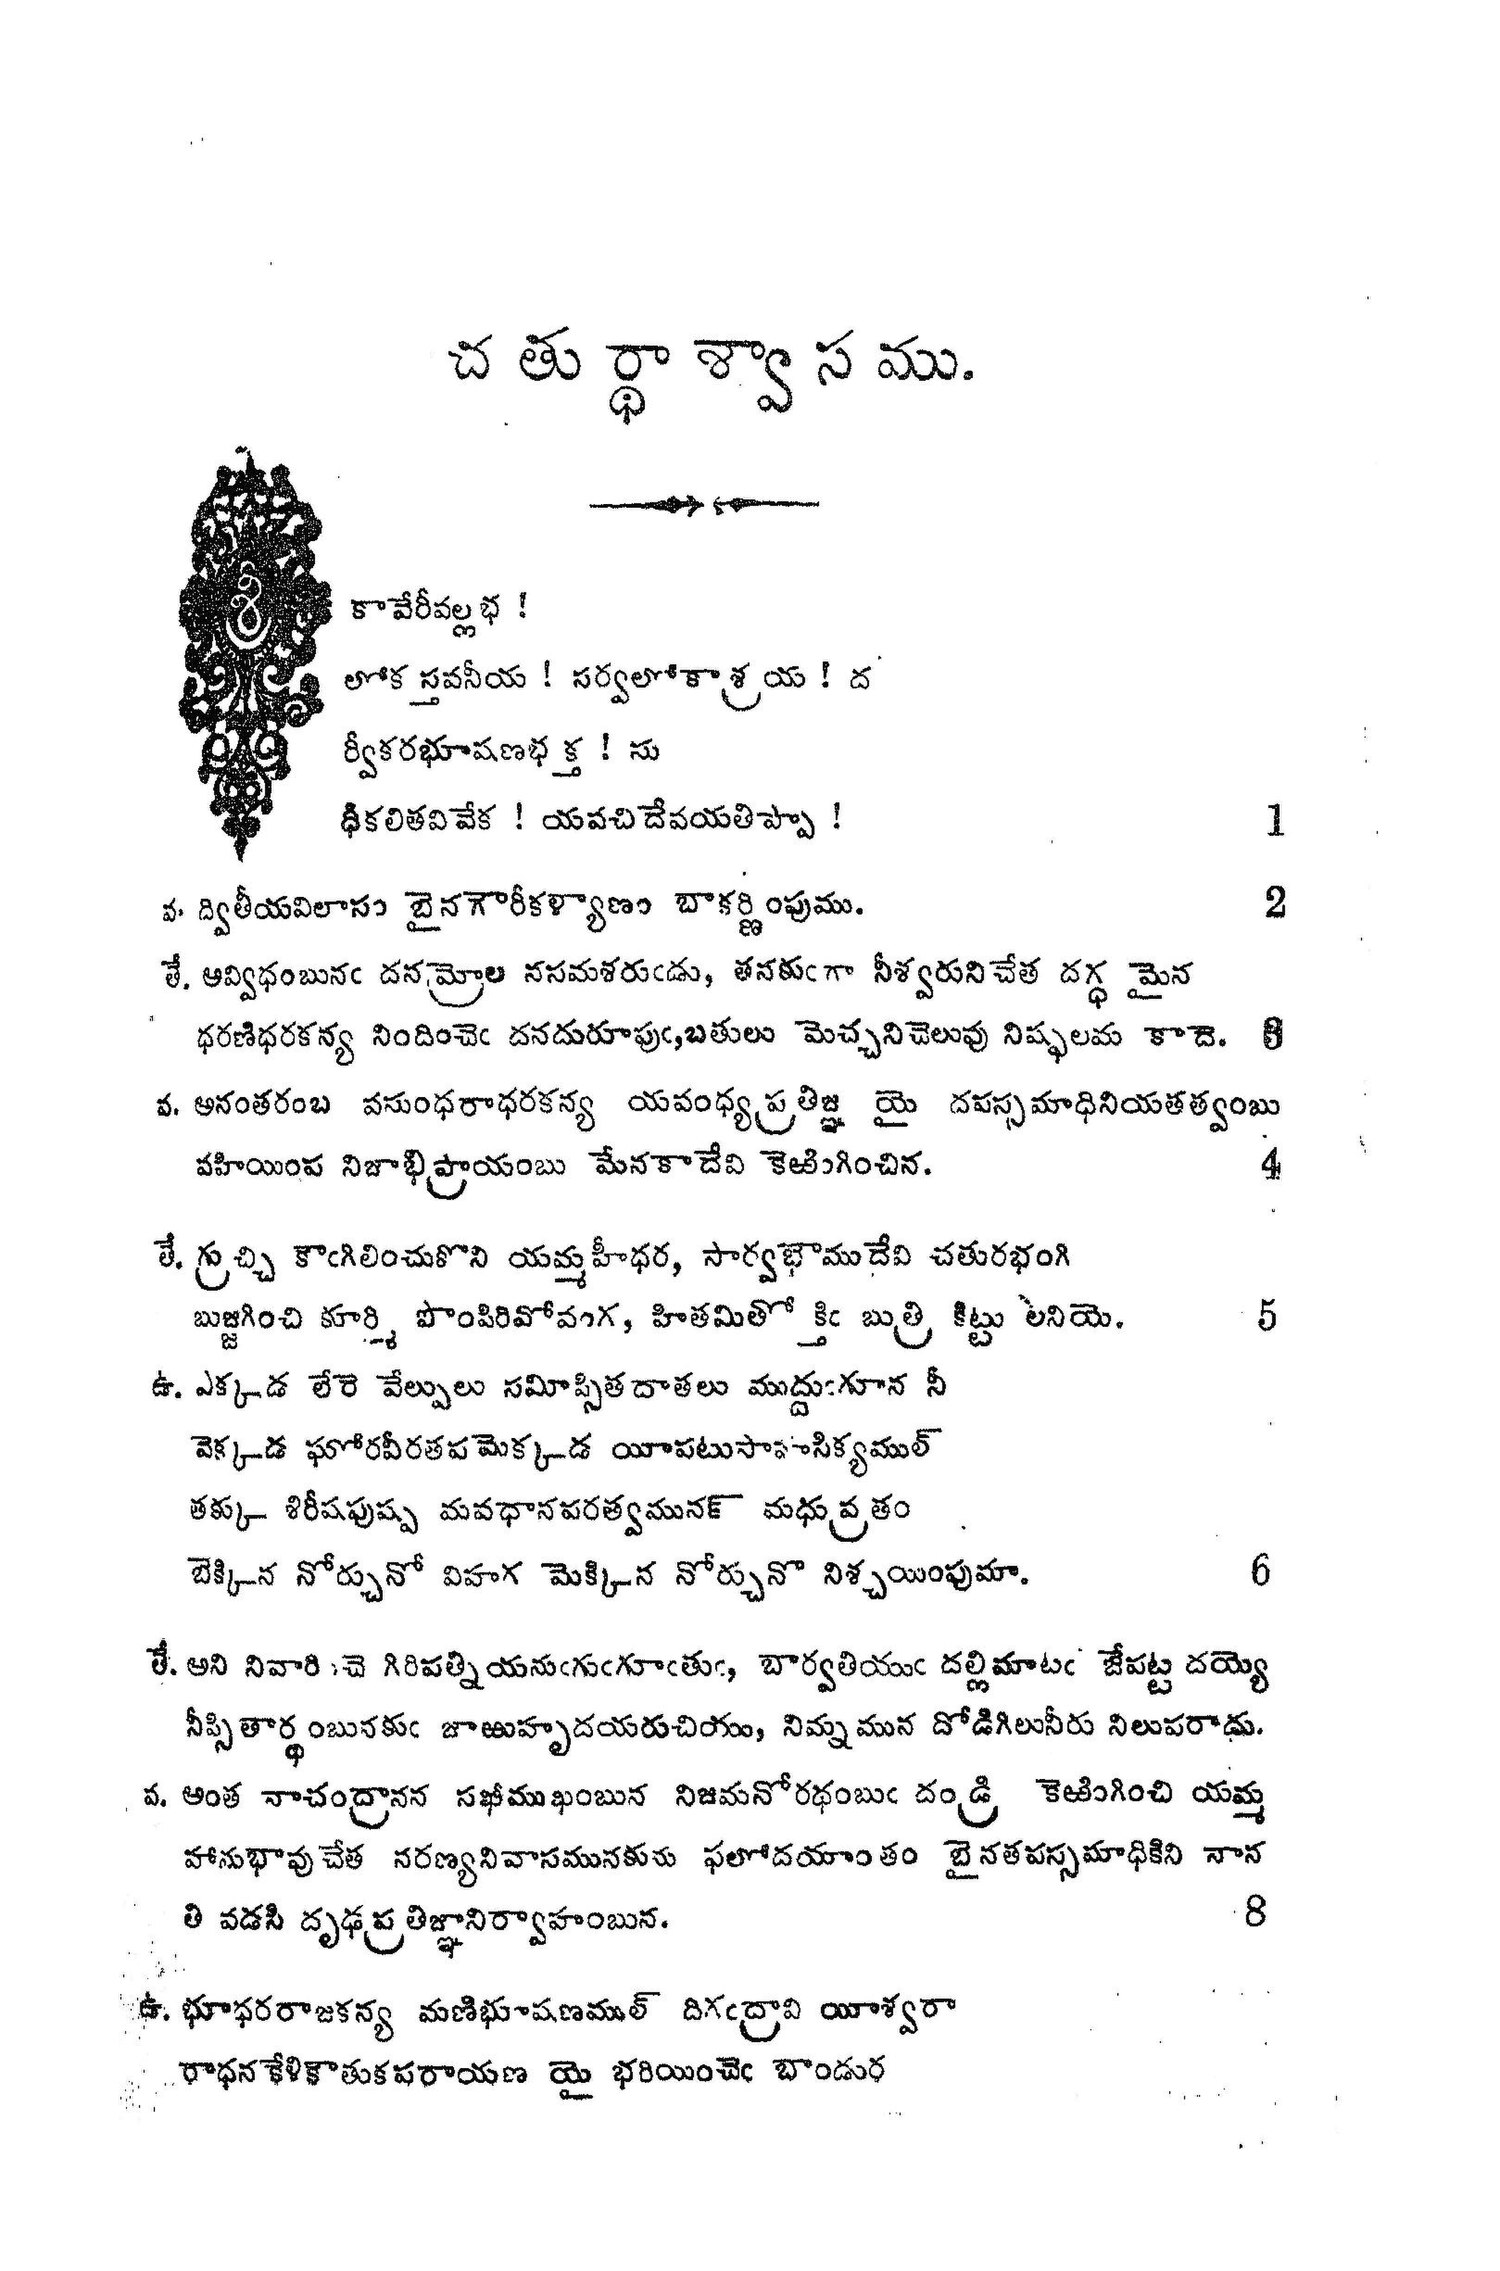శ్రీ కావేరీవల్లభ!
లోకస్తవనీయ! సర్వలోకాశ్రయ! ద
ర్వీకరభూషణభక్త! సు
ధీకలితవివేక! యవచిదేవయతిప్పా!

వ. ద్వితీయవిలాసం బైన గౌరీకళ్యాణం బాకర్ణింపుము. 1

తే. ఆవ్విధంబునఁ దన మ్రోల నసమశరుఁడు
తనకుఁగా నీశ్వరునిచేత దగ్ధమైన
ధరణిధరకన్య నిందించెఁ దనదురూపుఁ
బతులు మెచ్చని చెలువు నిష్ఫలమ కాదె. 2

వ. అనంతరంబ వసుంధరాధరకన్య యవంధ్యప్రతిజ్ఞ యైఁ దపస్సమాధినియతత్వంబు వహియింప నిజాభిప్రాయంబు మేనకాదేవి కెఱిగించిన. 4

తే. గ్రుచ్చి కౌఁగిలించుకొని యమ్మహీధర
సార్వభౌముదేవి చతురభంగి
బుజ్జగించి కూర్మి పొంపిరివోవంగ
హితమితోక్తిఁ బుత్రి కిట్టు లనియె. 5

ఉ. ఎక్కడ లేరె వేల్పులు సమీప్సితదాతలు ముద్దుఁగూన నీ
వెక్కడ ఘోరవీరతప మెక్కడ యీపటుసాహసిక్యముల్
తక్కు శిరీషపుష్ప మవధానపరత్వమునన్ మధువ్రతం
బెక్కిన నోర్చునో విహగ మెక్కిన నోర్చునొ నిశ్చయింపుమా. 6

తే. అని నివారించె గిరిపత్ని యనుఁగుఁగూఁతుఁ, బార్వతియుఁ దల్లిమాటఁ జేపట్ట దయ్యె
నీప్సితార్థంబునకుఁ జాఱుహృదయరుచియు, నిమ్నమున దోడిగిలునీరు నిలుపరాదు. 7

వ. అంత నాచంద్రానన సఖీముఖంబున నిజమనోరథంబుఁ దండ్రి కెఱింగించి యమ్మహానుభావుచేత నరణ్యనివాసమునకును ఫలోదయాంతం బైనతపస్సమాధికిని నానతి వడసి దృఢప్రతిజ్ఞానిర్వాహంబున. 8

ఉ. భూధరరాజకన్య మణిభూషణముల్ దిగఁద్రావి యీశ్వరా
రాధనకేళికౌతుకపరాయణ యై భరియించెఁ బాండుర